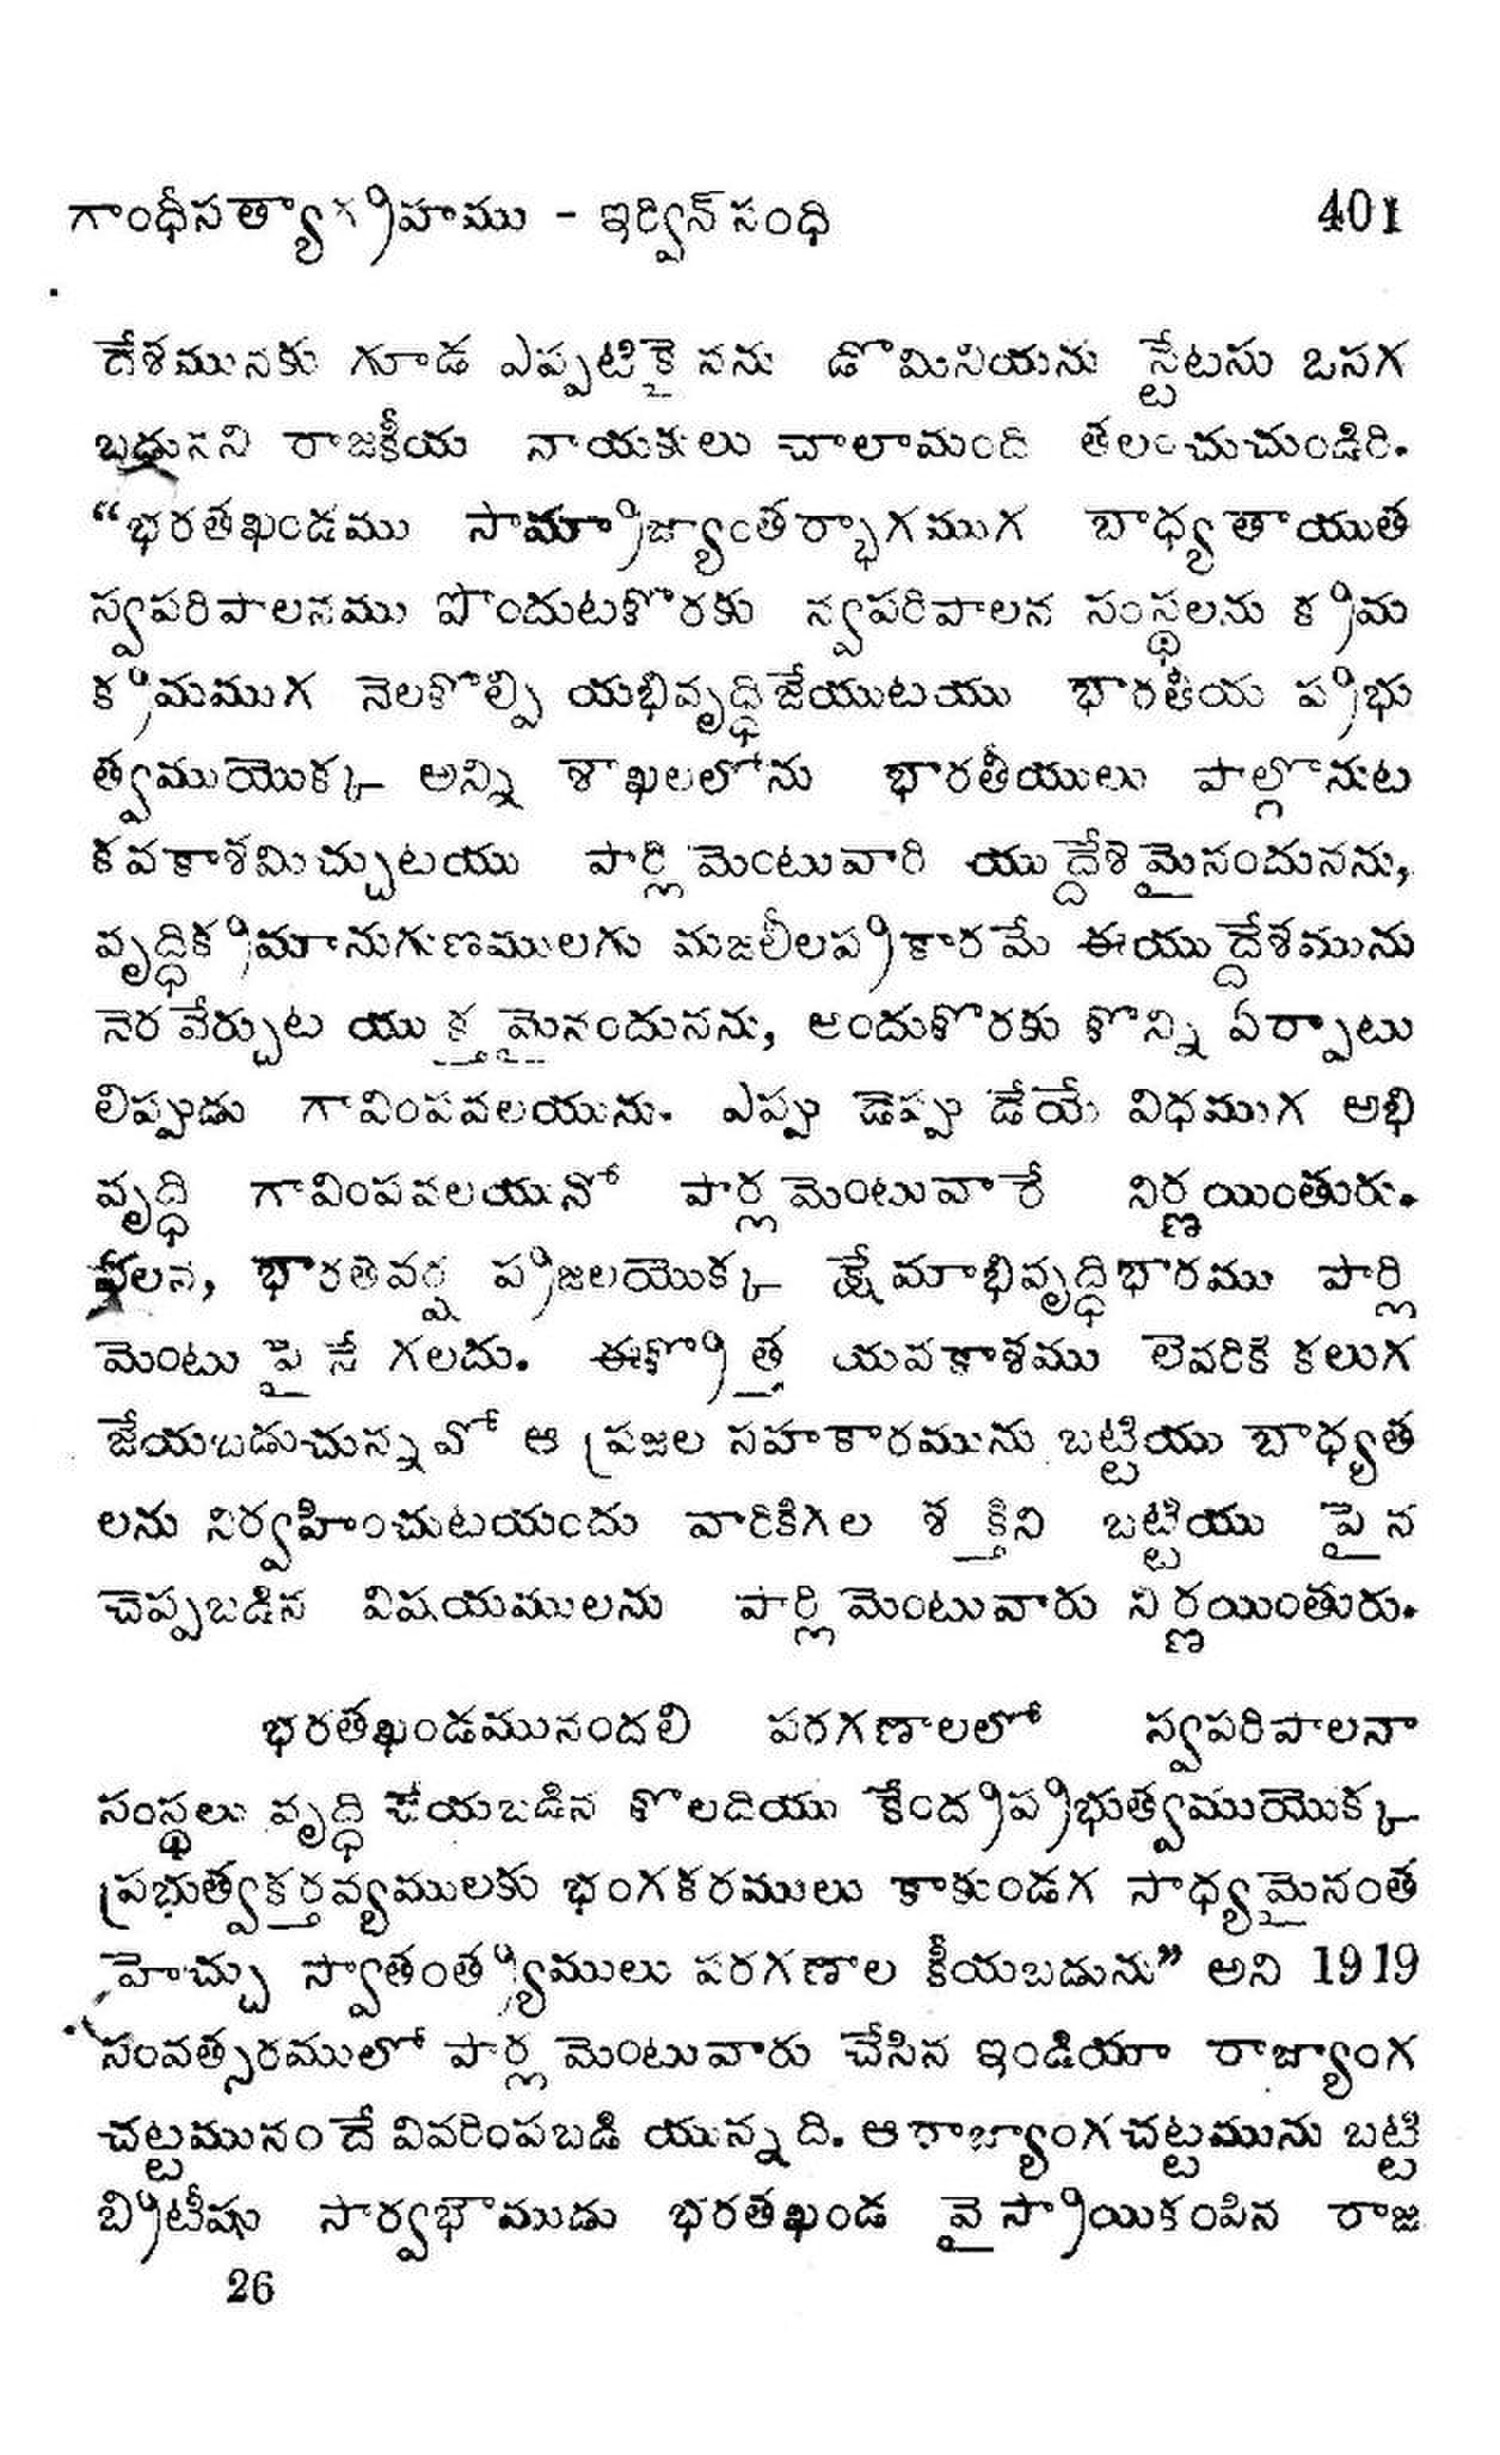దేశమునకు గూడ ఎప్పటికైనను డొమినియను స్టేటసు ఒసగ బడునని రాజకీయ నాయకులు చాలామంది తలంచుచుండిరి. “భరతఖండము సామ్రాజ్యాంతర్భాగముగ బాధ్యతాయుత స్వపరిపాలనము పొందుటకొరకు స్వపరిపాలన సంస్థలను క్రమక్రమముగ నెలకొల్పి యభివృద్ధిజేయుటయు భారతీయ ప్రభుత్వముయొక్క అన్ని శాఖలలోను భారతీయులు పాల్గొనుట కవకాశమిచ్చుటయు పార్లిమెంటువారి యుద్దేశమైనందునను, వృద్ధిక్రమానుగుణములగు మజలీలప్రకారమే ఈయుద్దేశమును నెరవేర్చుట యుక్త మైనందునను, అందుకొరకు కొన్ని ఏర్పాటులిప్పుడు గావింపవలయును. ఎప్పు డెప్పు డేయే విధముగ అభివృద్ది గావింపవలయునో పార్లమెంటువారే నిర్ణయింతురు. ఏలన, భారతవర్ష ప్రజలయొక్క క్షేమాభివృద్ధిభారము పార్లిమెంటు పైనే గలదు. ఈక్రొత్త యవకాశము లెవరికి కలుగ జేయబడుచున్నవో ఆ ప్రజల సహకారమును బట్టియు బాధ్యతలను నిర్వహించుటయందు వారికిగల శక్తిని బట్టియు పైన చెప్పబడిన విషయములను పార్లిమెంటువారు నిర్ణయింతురు.

భరతఖండమునందలి పరగణాలలో స్వపరిపాలనా సంస్థలు వృద్ధిచేయబడిన కొలదియు కేంద్రప్రభుత్వముయొక్క ప్రభుత్వకర్తవ్యములకు భంగకరములు కాకుండగ సాధ్యమైనంత హెచ్చు స్వాతంత్ర్యములు పరగణాల కీయబడును” అని 1919 సంవత్సరములో పార్ల మెంటువారు చేసిన ఇండియా రాజ్యాంగ చట్టమునందే వివరింపబడి యున్నది. ఆ రాజ్యాంగ చట్టమును బట్టి బ్రిటీషు సార్వభౌముడు భరతఖండ వైస్రాయికంపిన రాజ